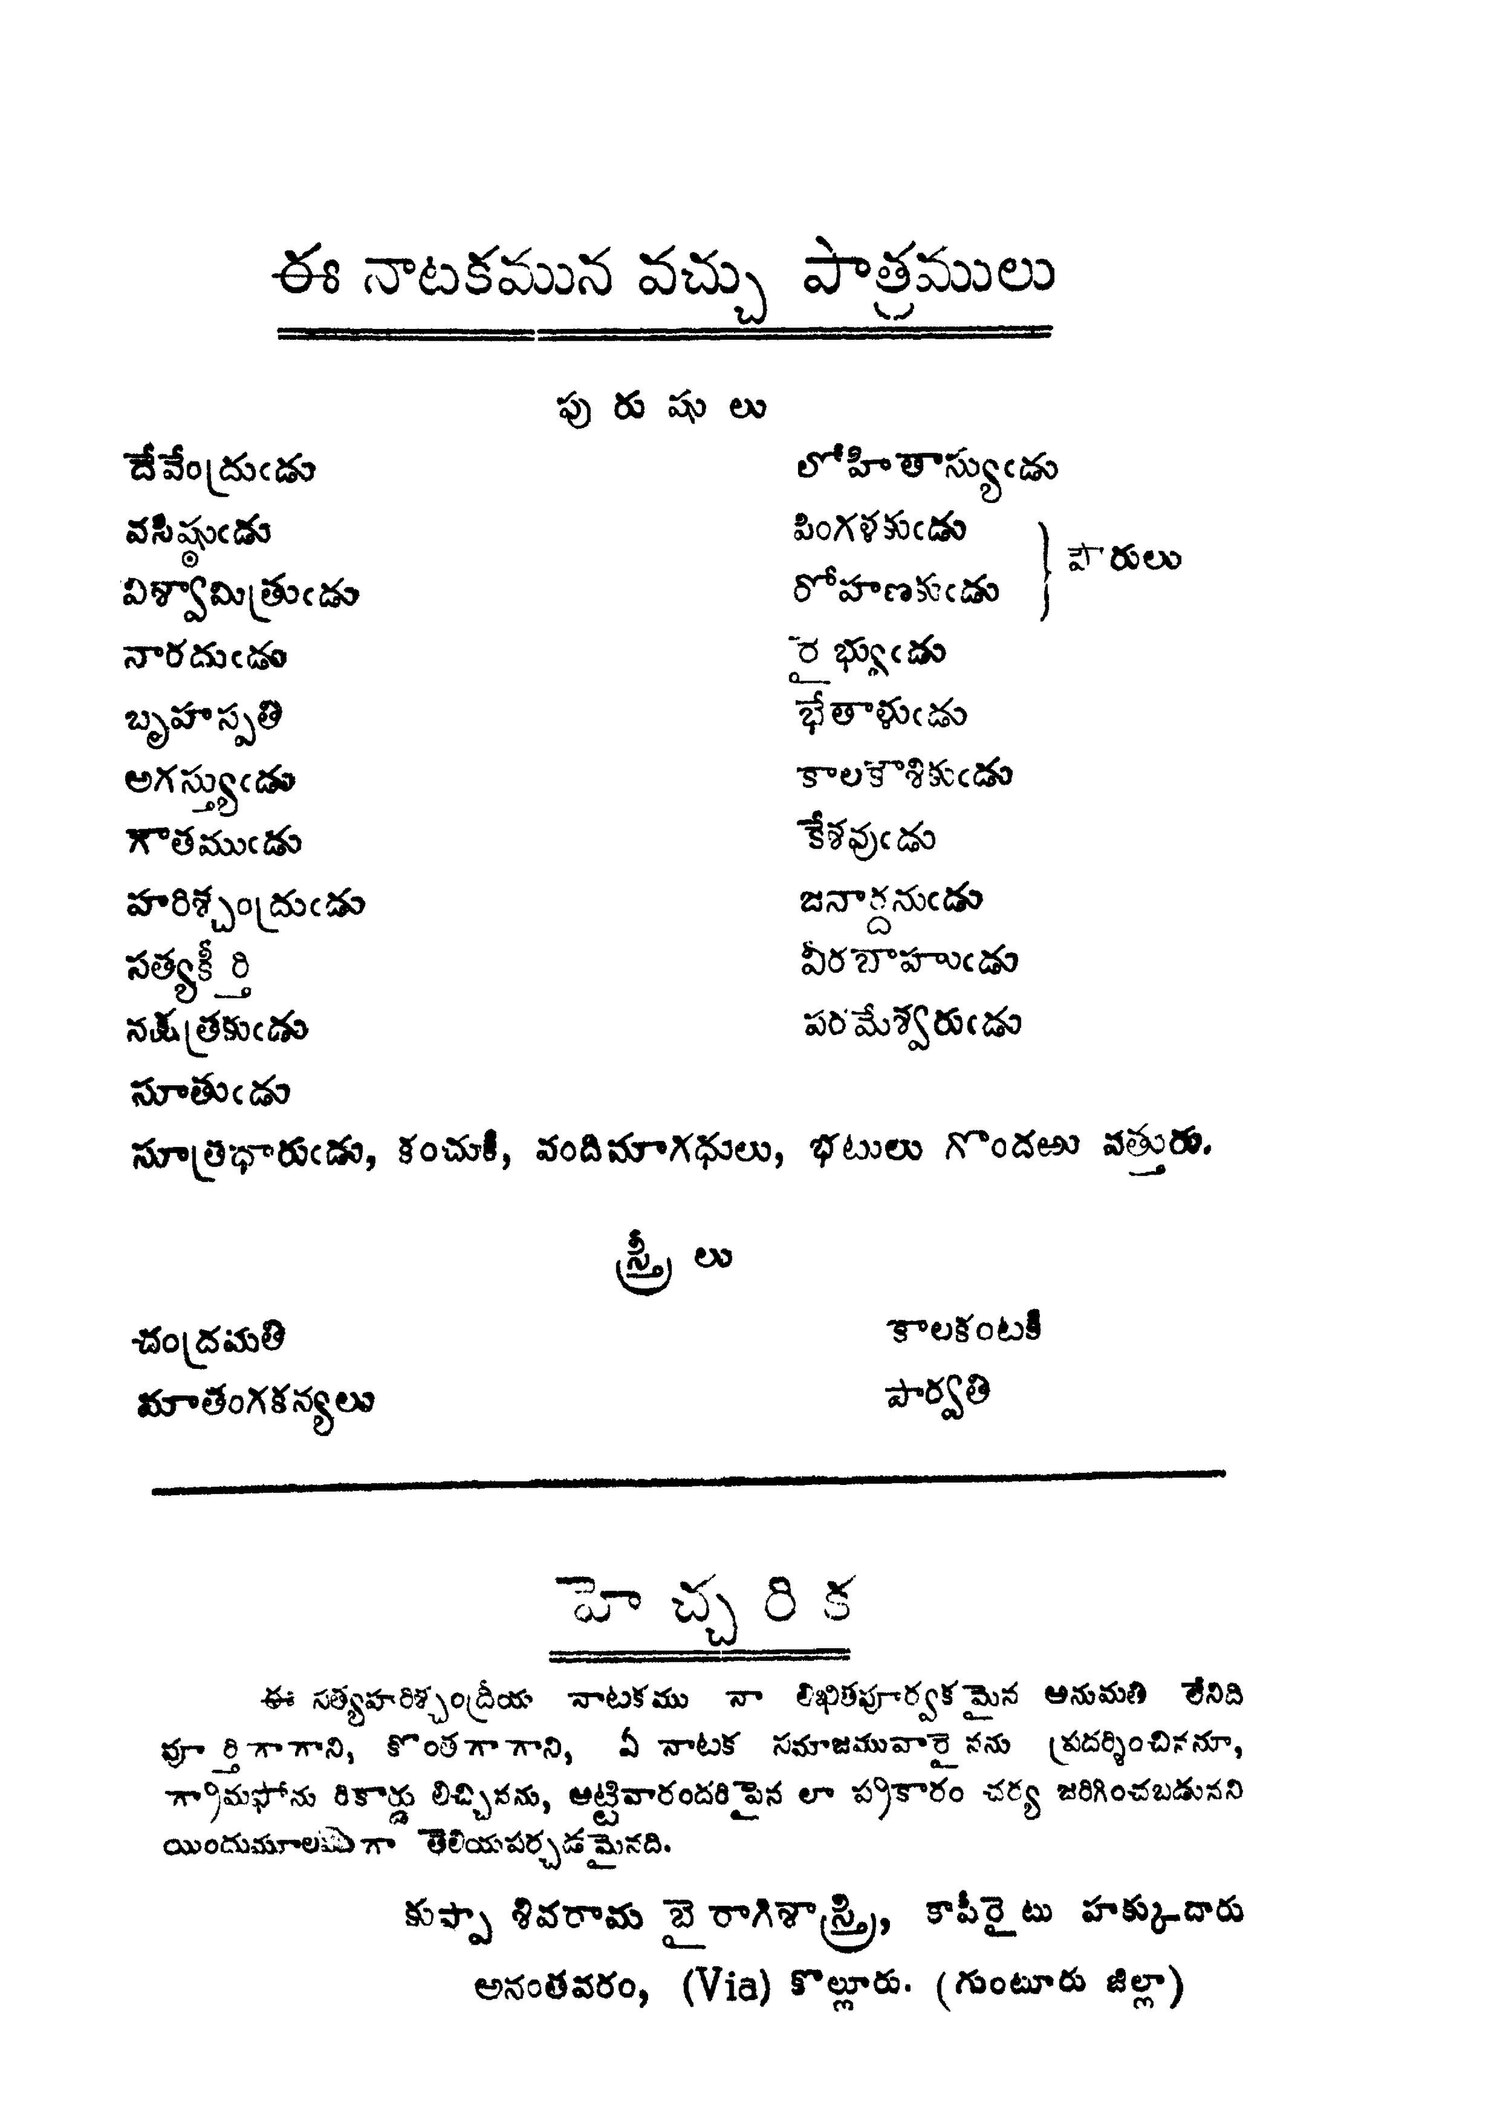పురుషులు

దేవేంద్రుడు

వసిష్ఠుడు

విశ్వామిత్రుడు

నారదుడు

బృహస్పతి

అగస్త్యుడు

గౌతముడు

హరిశ్చంద్రుడు

సత్యకీర్తి

నక్షత్రకుడు

సూతుడు

లోహితాస్యుడు

పింగళకుడు, రోహణకుడు - పౌరులు

రైభ్యుడు

భేతాళుడు

కాలకౌశికుడు

కేశవుడు

జనార్దనుడు

వీరబాహుడు

పరమేశ్వరుడు

సూత్రధారుడు, కంచుకి, వందిమాగధులు, భటులు గొందరు వత్తురు.

స్త్రీలు

చంద్రమతి

మాతంగకన్యలు

కాలకంటకి

పార్వతి